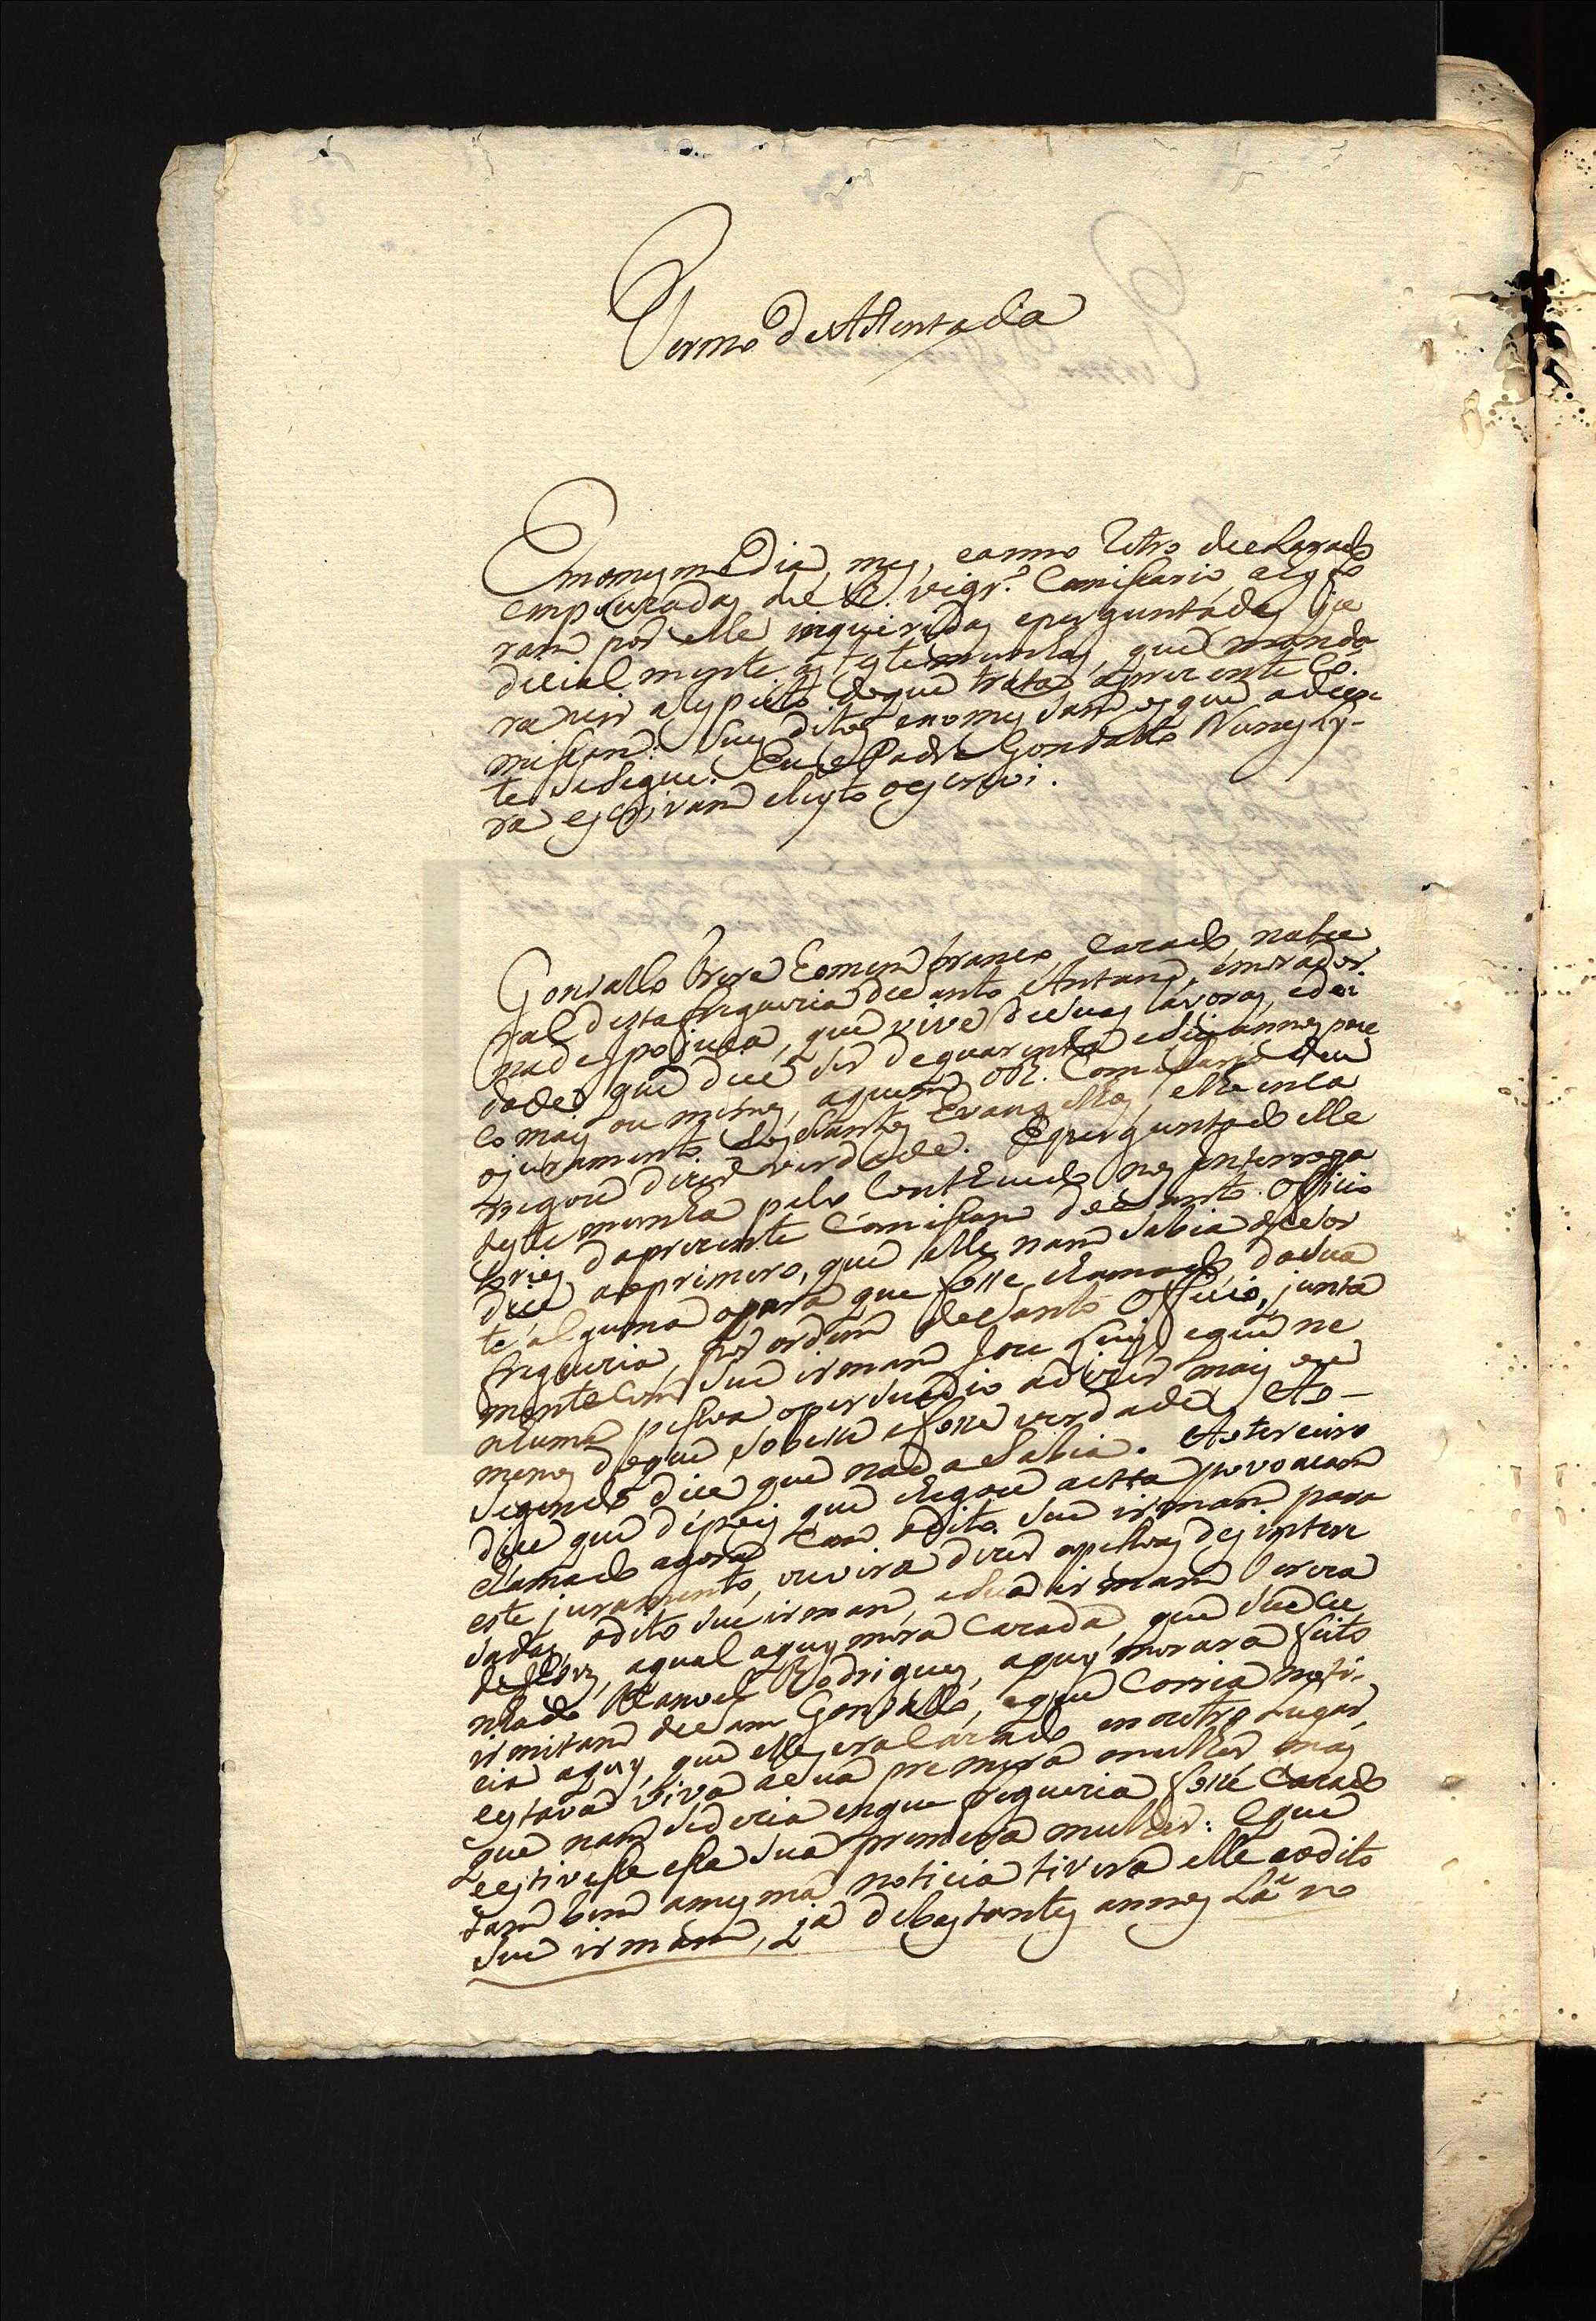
Termo de Assentada
Em o mesmo dia, mes, e anno Retro decLarado
em pouzadas do R. vigr.o Comissario ahy fo
ram por elle inquiridas e perguntadas ju
dicialmente as testemuntas, que manda
ra uir a Respeito do que trata a prezente Cō
missam: Seus ditos e nomes sam os que adian
te se Segue. Eu o Padre Gonsallo Nunes Ly
ra escrivam eleyto o escrevi.
Gonsallo Frere homem branco, cazado natu
ral desta freguezia de Santo Antan, e morador
na de Ipojuca, que vive de suas lavoras, e de i
dade que dice sir de quarenta e Seis annos pou
co mais ou menos, a quem o R. Comissario deu
o juramento dos Santos Evangelhos, elhe enca
rregou dizer verdade. E perguntado elle
testemunha pelo Contheudo nos Jnterroga
torios da prezente Cōmissam do Santo officio
dice ao primero, que selhe, nam sabia de sor
te alguma o para que fosse, chamado da sua
freguezia, por ordem do Santo officio, junta
mente com seu irmam Joze Luis e que ne
nhuma pessoa o persuadio a dizer mais ou
menos do que sobesse e fosse verdade Ao
segundo diçe que nada Sabia. Ao terceiro
dice que depois que chegou a esta povoacam
chamado agora com o dito seu irman para
este juramento, ouvira dizer a pessoas desintere
sadas o dito seu irman, e Sua irmam Tereza
de Iesuz, a qual aquy mora cazada, que seu cu
nhado Manoel Rodriquez, aquy morara feito
irmitam de Sam Gonsallo, e que corria noti
cia aquy, que elle era cazado en outro Lugar,
e estava viva a sua premera mulher, mas
que nam sedezia en que freguezia fosse cazado
e estivesse ella sua primera mulher: e que
tambem a mesma noticia tivera elle ao dito
seu irmam, ja de bastantes annos Lá no
